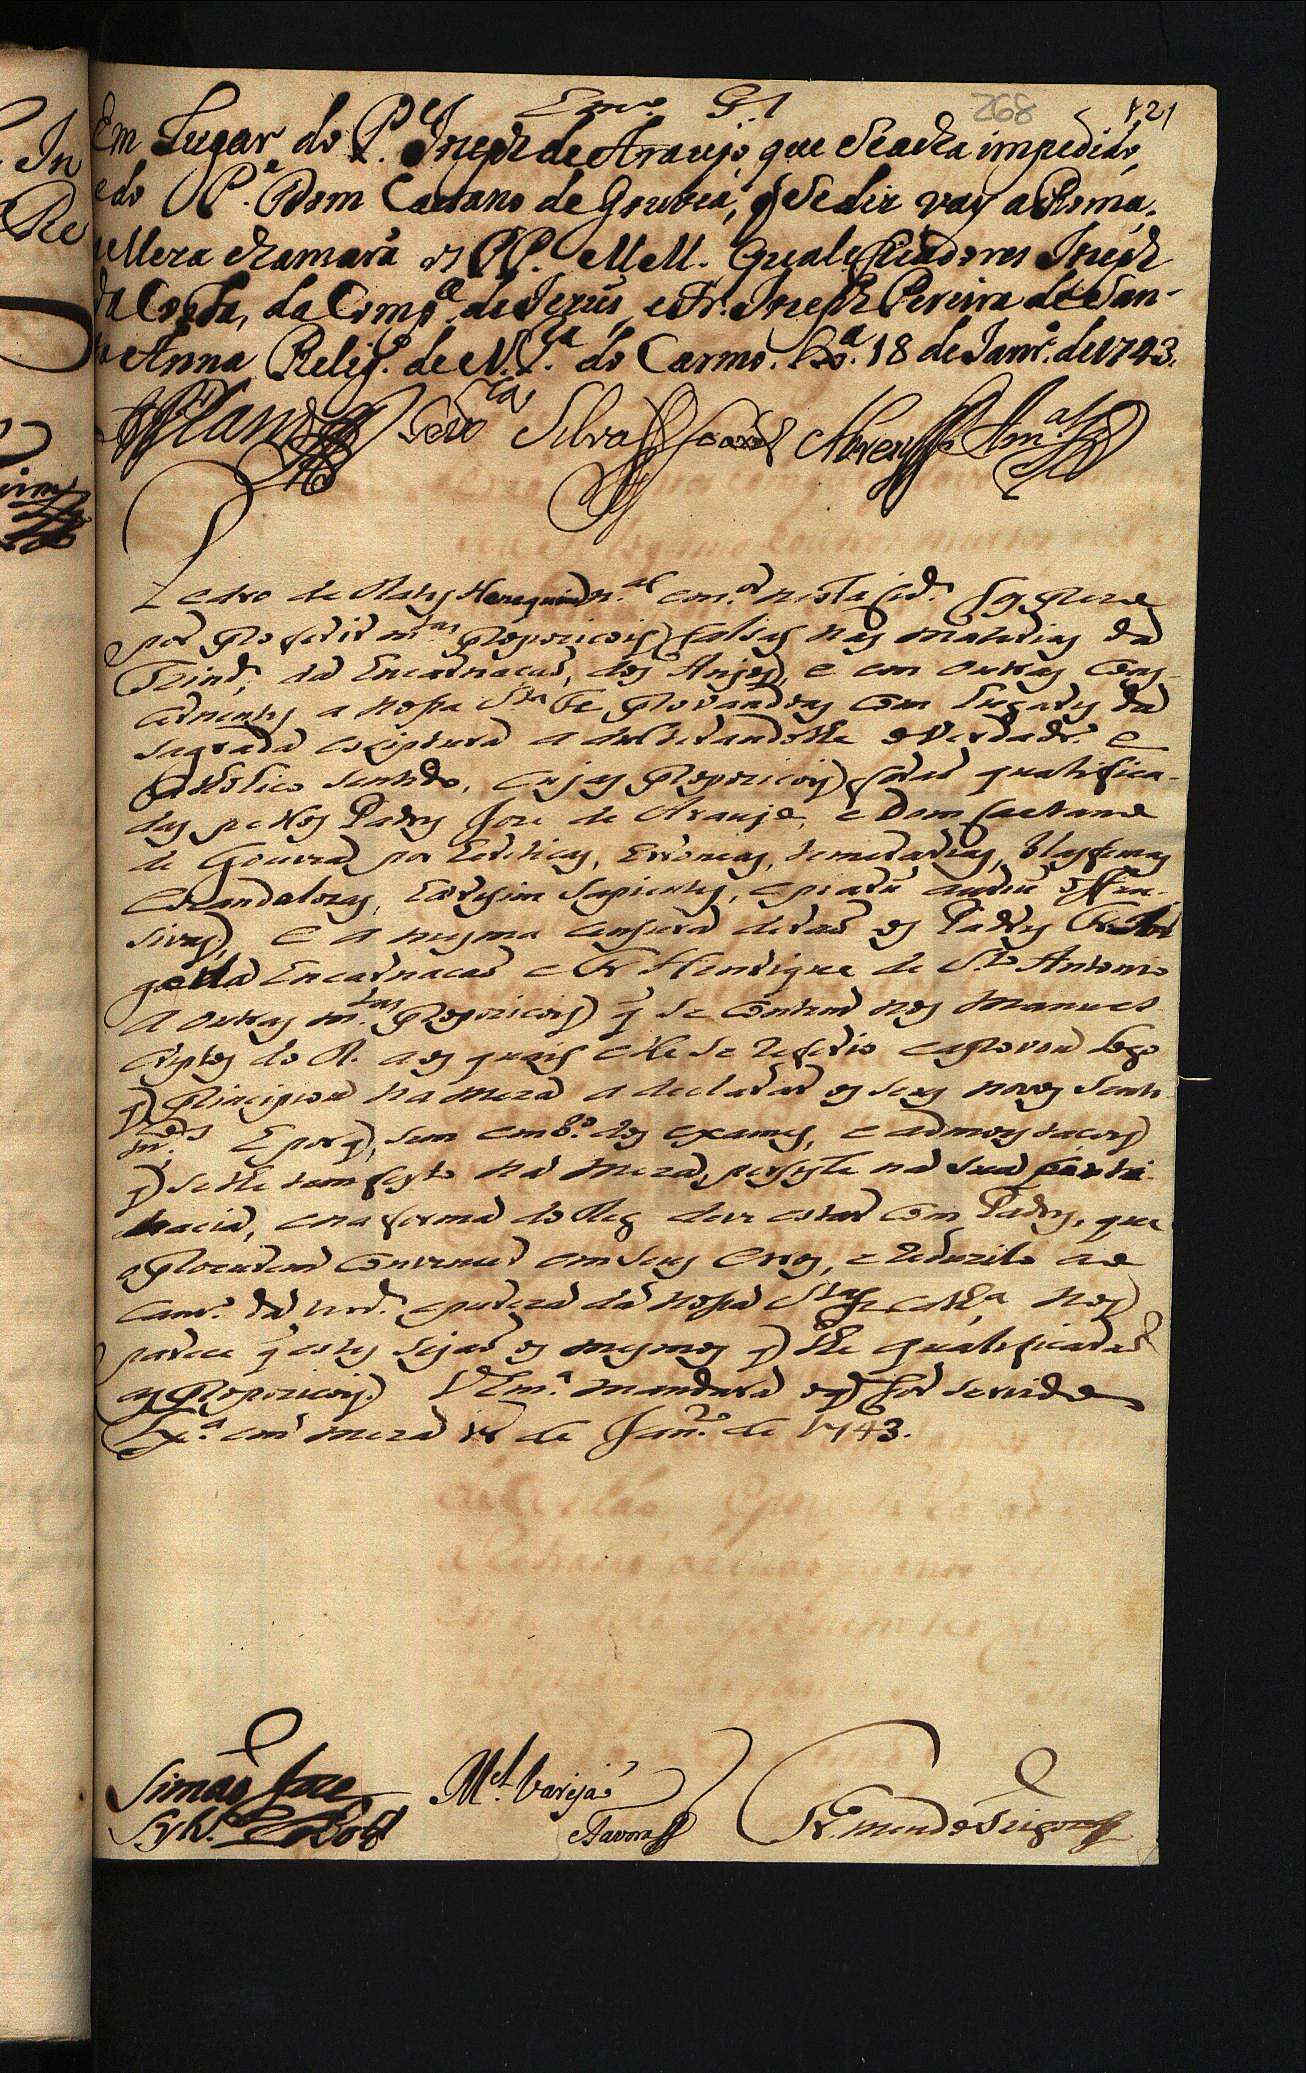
121
Em.o S.es
Em Lugar do P.e Iozeph de Araujo, que Se acha impedido,
e do P.e Dom Caetano de Gouvea, q̄ se diz vay a Roma,
Meza chamará os PP. MM. Qualificadores Iozeph
da Costa, da Comp.a de Iezus, e Fr. Iozeph Pereira de San
a Anna Relig.o de N. S.ra do Carmo. Lx.a 18 de Ianr.o de 1743.
Ro lance Teixra Silva Soares Abreu Ama.l
Pedro de Rates Henequī n.al e m.or nesta Cid.e foy prezo
por proferir mtas propoziçois falsas nas materias da
Trind,e da Encarnaçaõ, dos Anjos, e em outras cons
cernentes a nossa Sta Fe provandoas com Lugares da
sagrada esciptura a alterandolhe o verdadr.o e
Catholico sentido, cujas propoziçois, foraõ quatifica
das pellos Padres Joze de Araujo, e Dom Caetano
de Gouvea por hereticas, E eroneas, temerarias, blasfemas
Escandalozas, hæresim sapientes, e piarū auditē offen
sivas; e a mesma censura deraõ os Padres Fr. Ior
ge da Encarnaçaõ, e Fr Henrique de S.to Antonio
A outras m.tas propoziçois q̄ se contam nos manus
Criptos do R. aos quais elle se referio e aprovou Logo
q̄ principiou na meza a declarar os seus novos senti
m.tos E porq̄, sem emb.o dos exames, e admoestaçois
q̄ se lhe tem feyto na meza, persiste na sua contu
macia, e na forma do Reg deve estar com Padres, que
o pRocurem convencer em seus erros, e Reduzido ao
Cam.o da verd.e a pureza da nossa Sta fe cath,a nos
parece q̄ estes sejaõ os mesmos q̄ lhe qualificaraõ
as propoziçois. V Em.a mandara o q̄ for servido
Lx.a em meza i8 de Jan.ro de 1743.
Simaõ Joze
Sylvr.o Lobo
M.el Varejaõ
e Tavora
Fr.co mendo Trigozo
